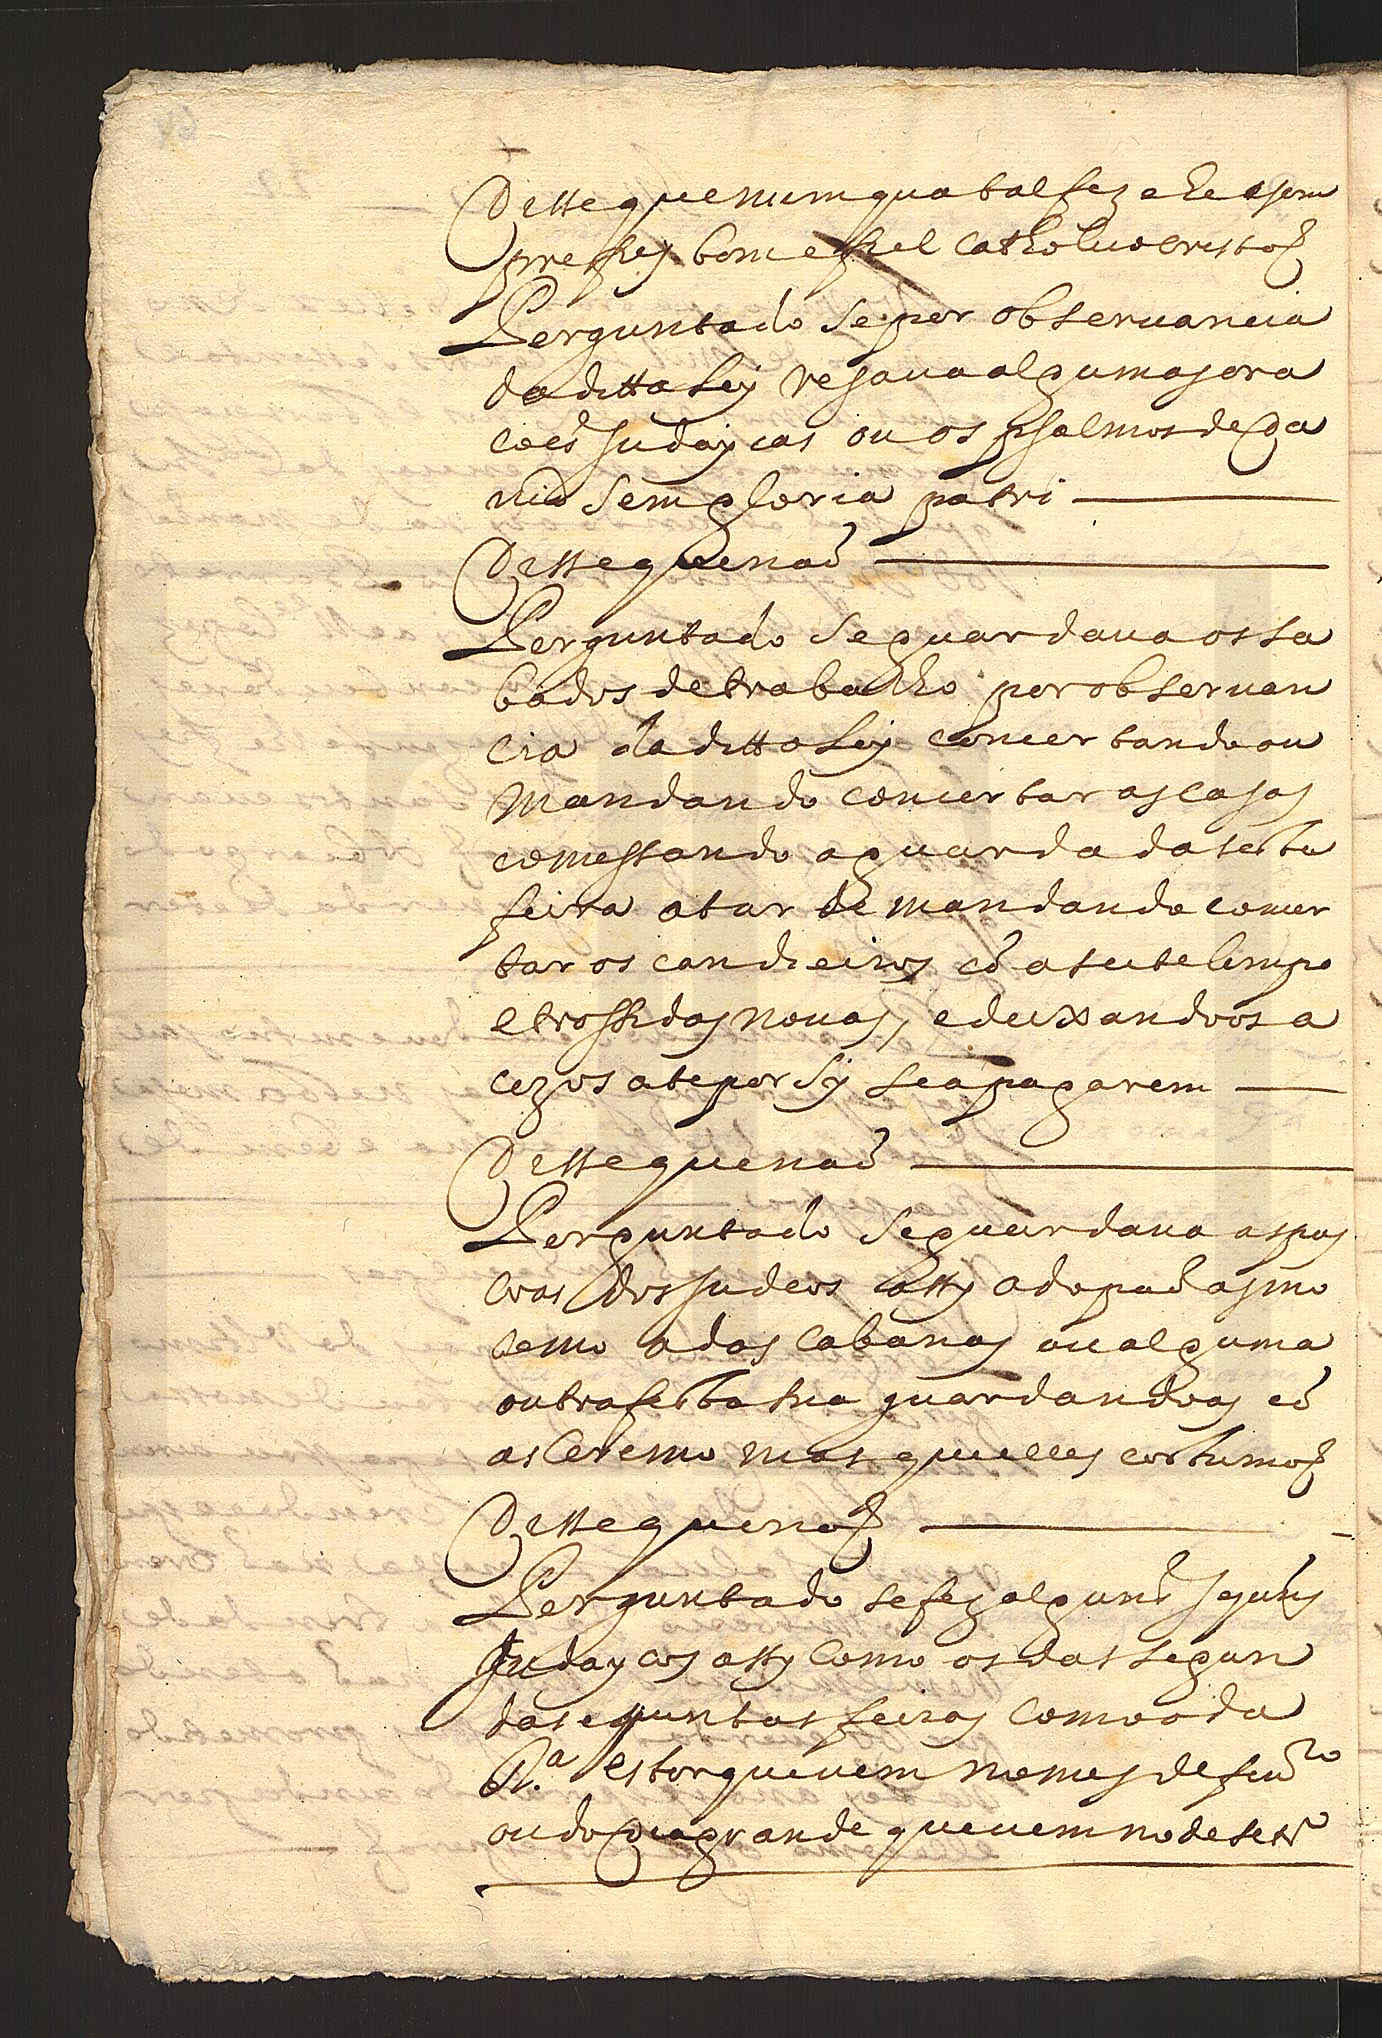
Disse que numqua tal fez e he e sem
pre foj bom e fiel catholico cristaõ
Perguntado se per obseruancia
da ditta Ley resaua algumas ora
coẽs Judaycas ou os psalmos de Da
uid sem gloria patri
Disse que naõ
Perguntado se guardaua os sa
bados de trabalho per obseruan
cia da ditta Ley concertando ou
mandado concertar as casas
comessando a guarda da sesta
feira a tarde mandando concer
tar os candieiros cō aseite limpo
e trossidas nouas, e deixandoos a
cezos ate pos sy se apagarem
Disse que naõ
Perguntado se guardaua as pas
coas dos Judeos assy a do paõ asmo
como a das cabanas, ou alguma
outra festa sua guardandoas cō
as ceremonias que elles costumaõ
Disse que naõ
Perguntado se fez alguns Jejuns
Judaycos assy como os das segun
das e quintas feiras como o da
R.a ester que uem no mes de feuro
ou do dia grande que uem no de setro
